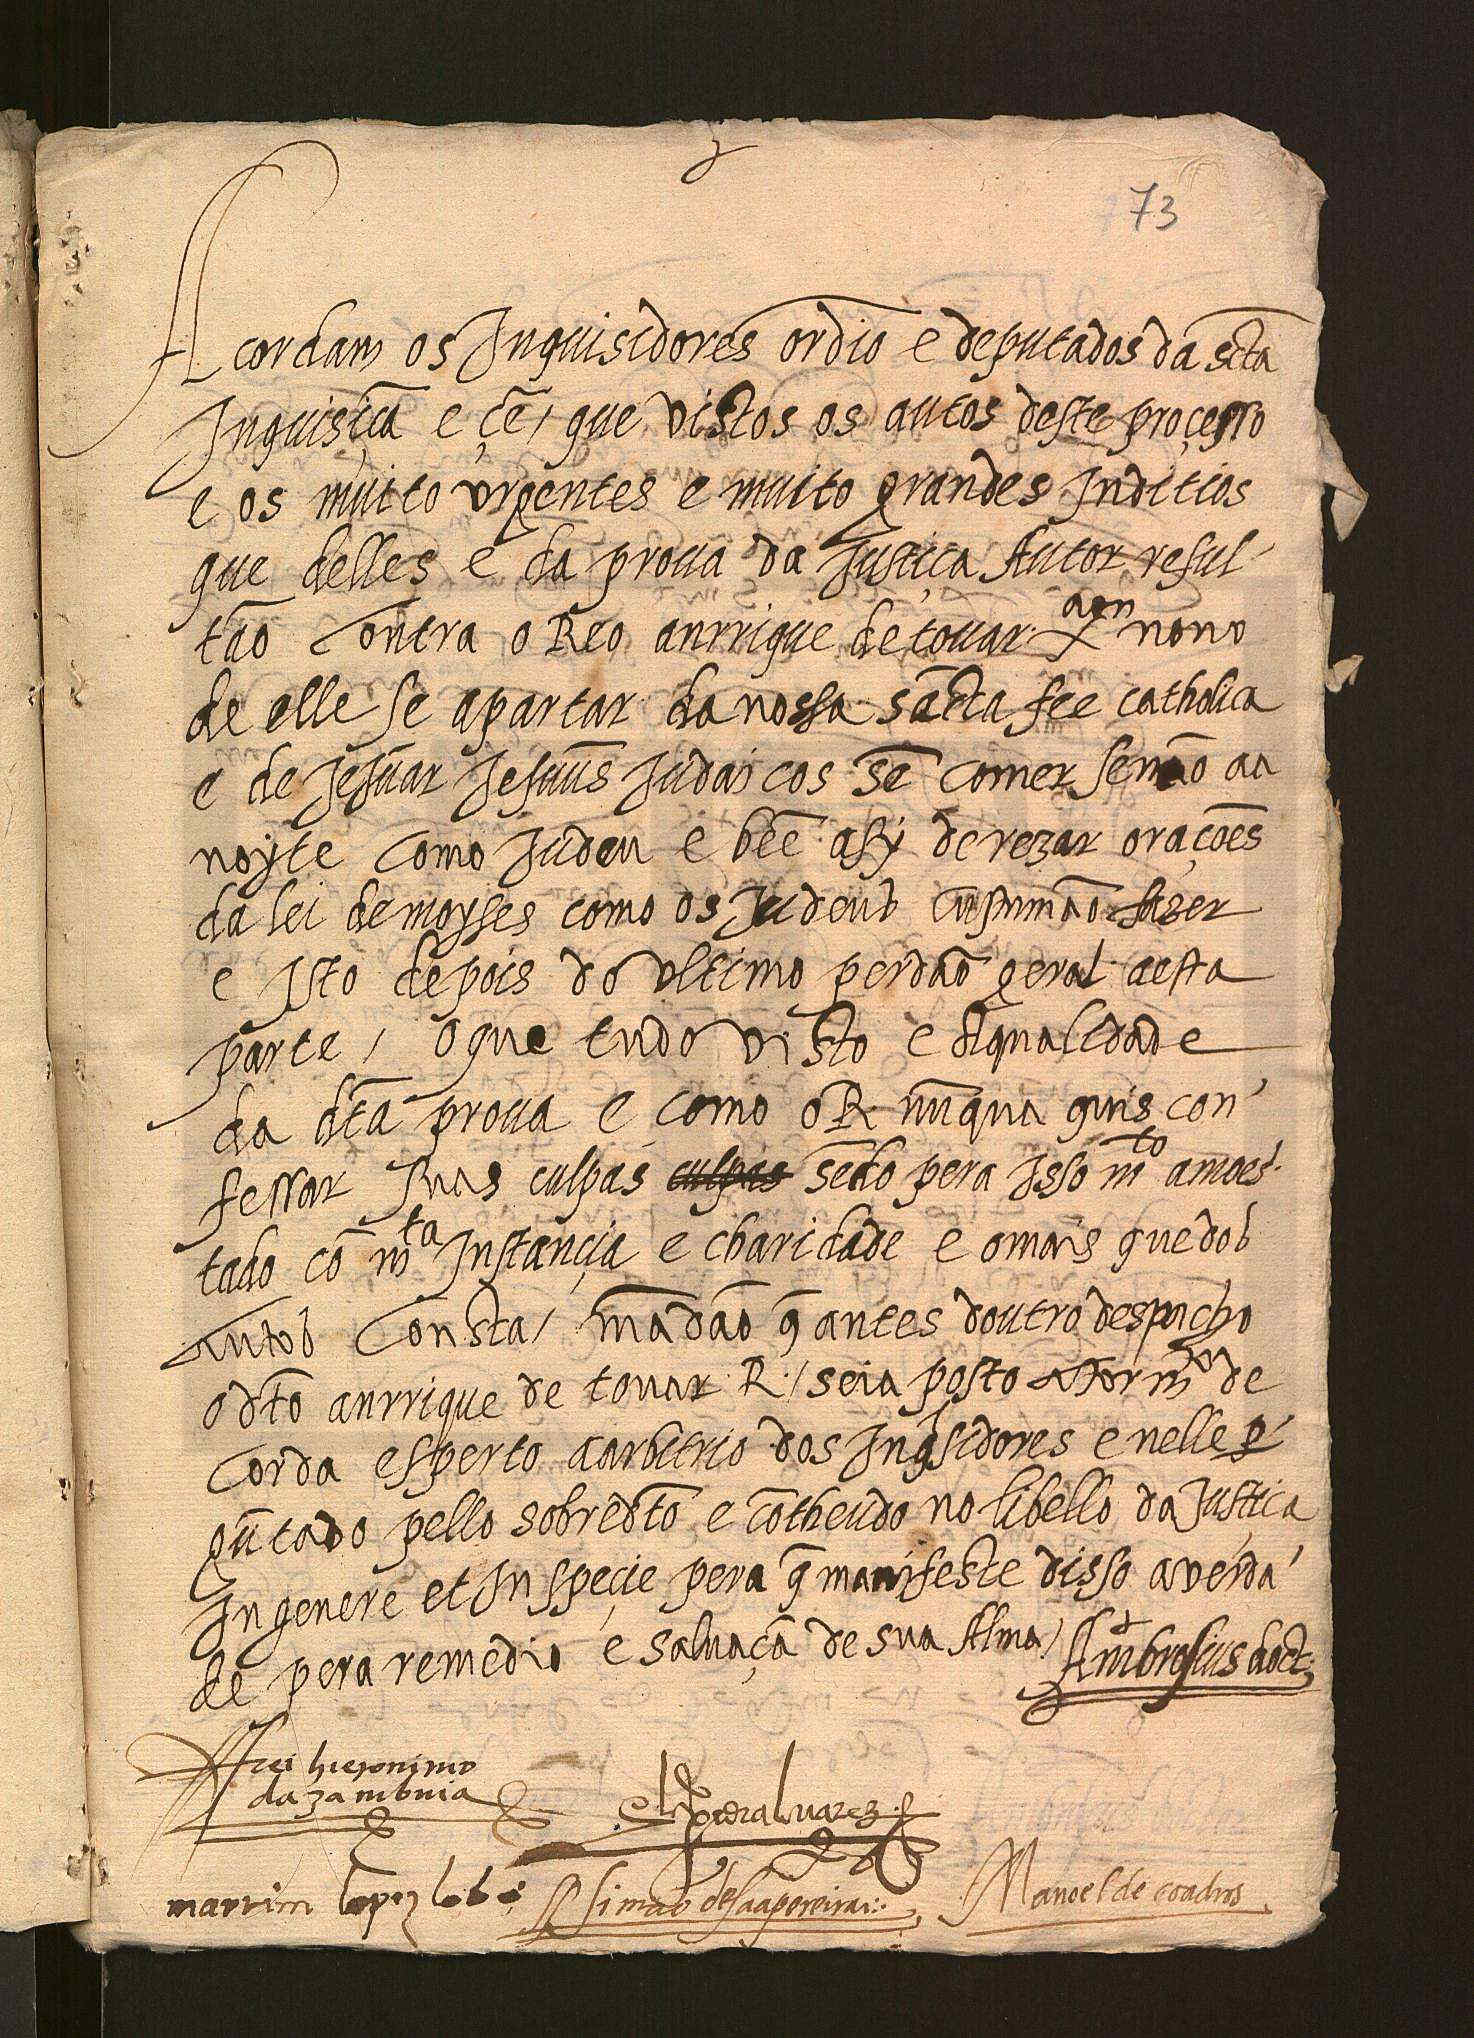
Acordam os Jnquisidores o̅rdio e deputados da s̅cta
Jnquisīça e çē / que vistos os autos deste proçesso
e os muito vrgentes e muito grandes Jnditios
que delles e da proua da Justiça Autor resul
tão Contra o Reo anrrique de touar xam nouo
de elle se apartar da nossa sa̅cta fee catholica
e de JeJu̅ar Jeju̅us Judaicos s̅e comer senão aa
noyte Como Judeu e beē asy de rezar orações
da lei de moyses como os Judeus custumão fazer
e Jsto depois do vltimo perdão geral a esta
parte / o que tudo visto e A qualidade
da dt̅a proua e como o R. nu̅qua quis con
fessar suas culpas culpas s̅edo pera Jsto mto amoes
tado co̅ mta Jnstançia e charidade e o mais que dos
autos Consta / m̅adão q̅ antes doutro despacho
o dt̅o anrrique de touar .R. / seia posto a tormto de
Corda esperto a arbitrio dos Jnq̄isidores e nelle ꝑ
gu̅tado pello sobredt̄o e c̅otheudo no libello da Justiça
Jn genere et Jn speçie pera q̅ manifeste disso a verda
de pera remedio e saluaça̅ de sua Alma /
